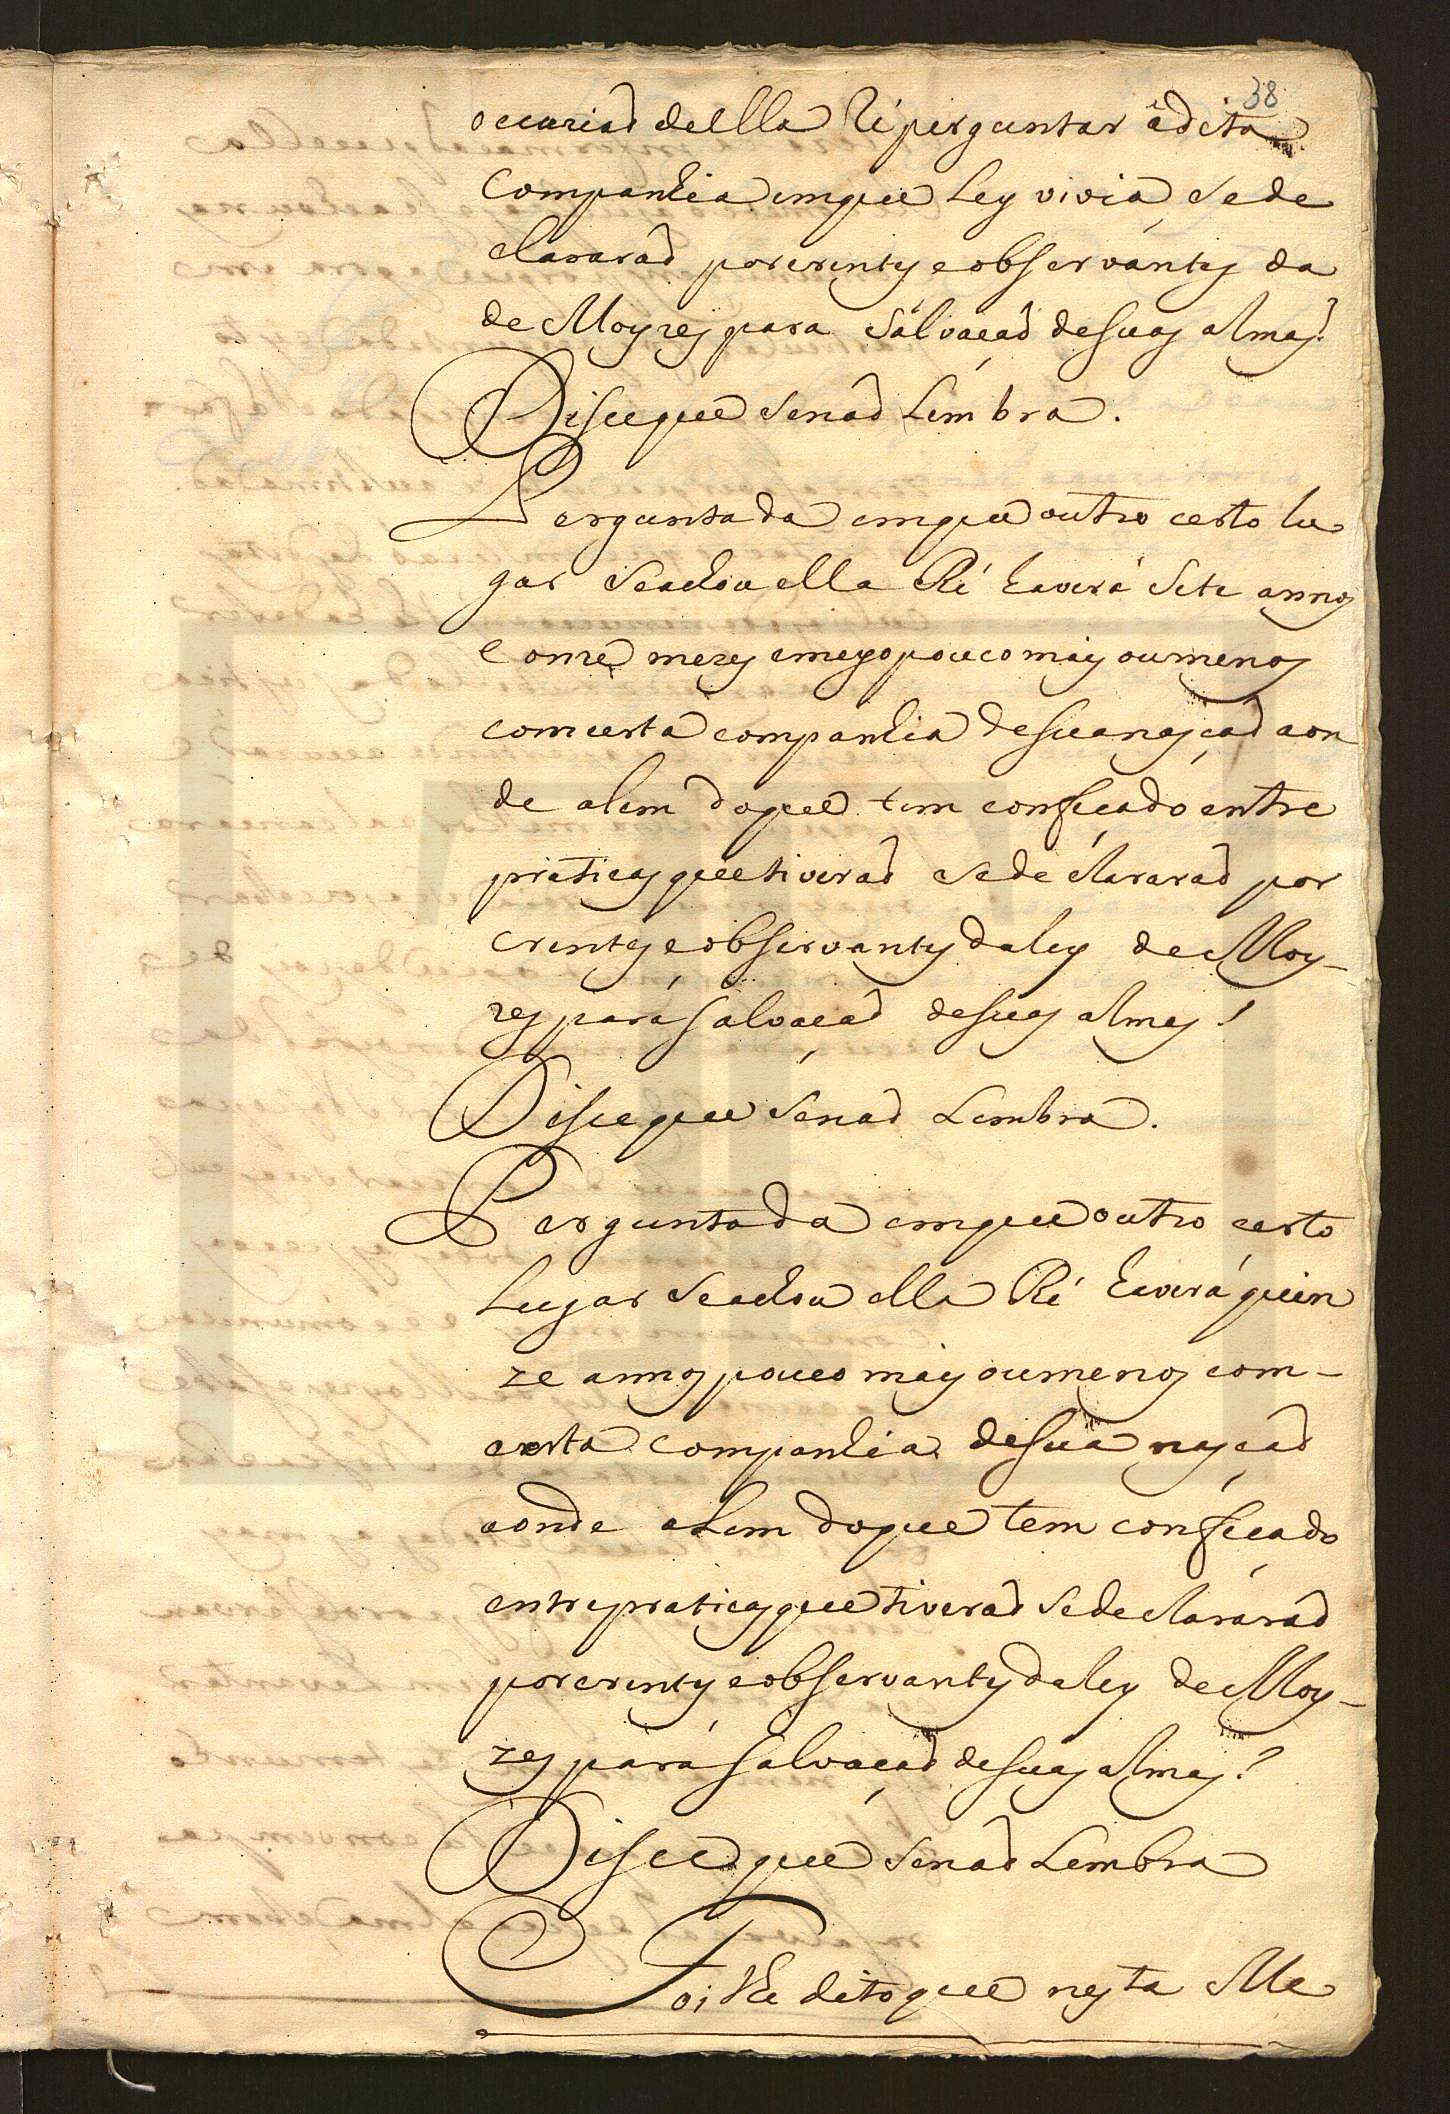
occaziaõ de ella Ré perguntar â dita
Companhia em que Ley vivia, se de
clararaõ por crentes e observantes da
de Moyzes para Salvaçaõ de suas almas?
Disse que se naõ Lembra.
Perguntada em que outro certo lu
gar se achou ella Ré haverá Sete annos
e onze mezes e meyo pouco mais ou menos
com certa companhia de sua nasçaõ aon
de alem do que tem confeçado entre
praticas que tiveraõ se declararaõ por
crentes e observantes da ley de Moy
zes para salvaçaõ de suas almas?
Disce que se naõ Lembra.
Perguntada em que outro certo
Lugar se achou ella Ré haverá quin
ze annos oouco mais ou menos com
certa companhia de sua nasçaõ
aonde aLem do que tem confeçado
entre praticas que tiveraõ se declararaõ
por crentes e observantes da ley de Moy
zes para salvaçaõ de suas almas?
Disce que se naõ Lembra
Foi lhe dito que nesta Me
